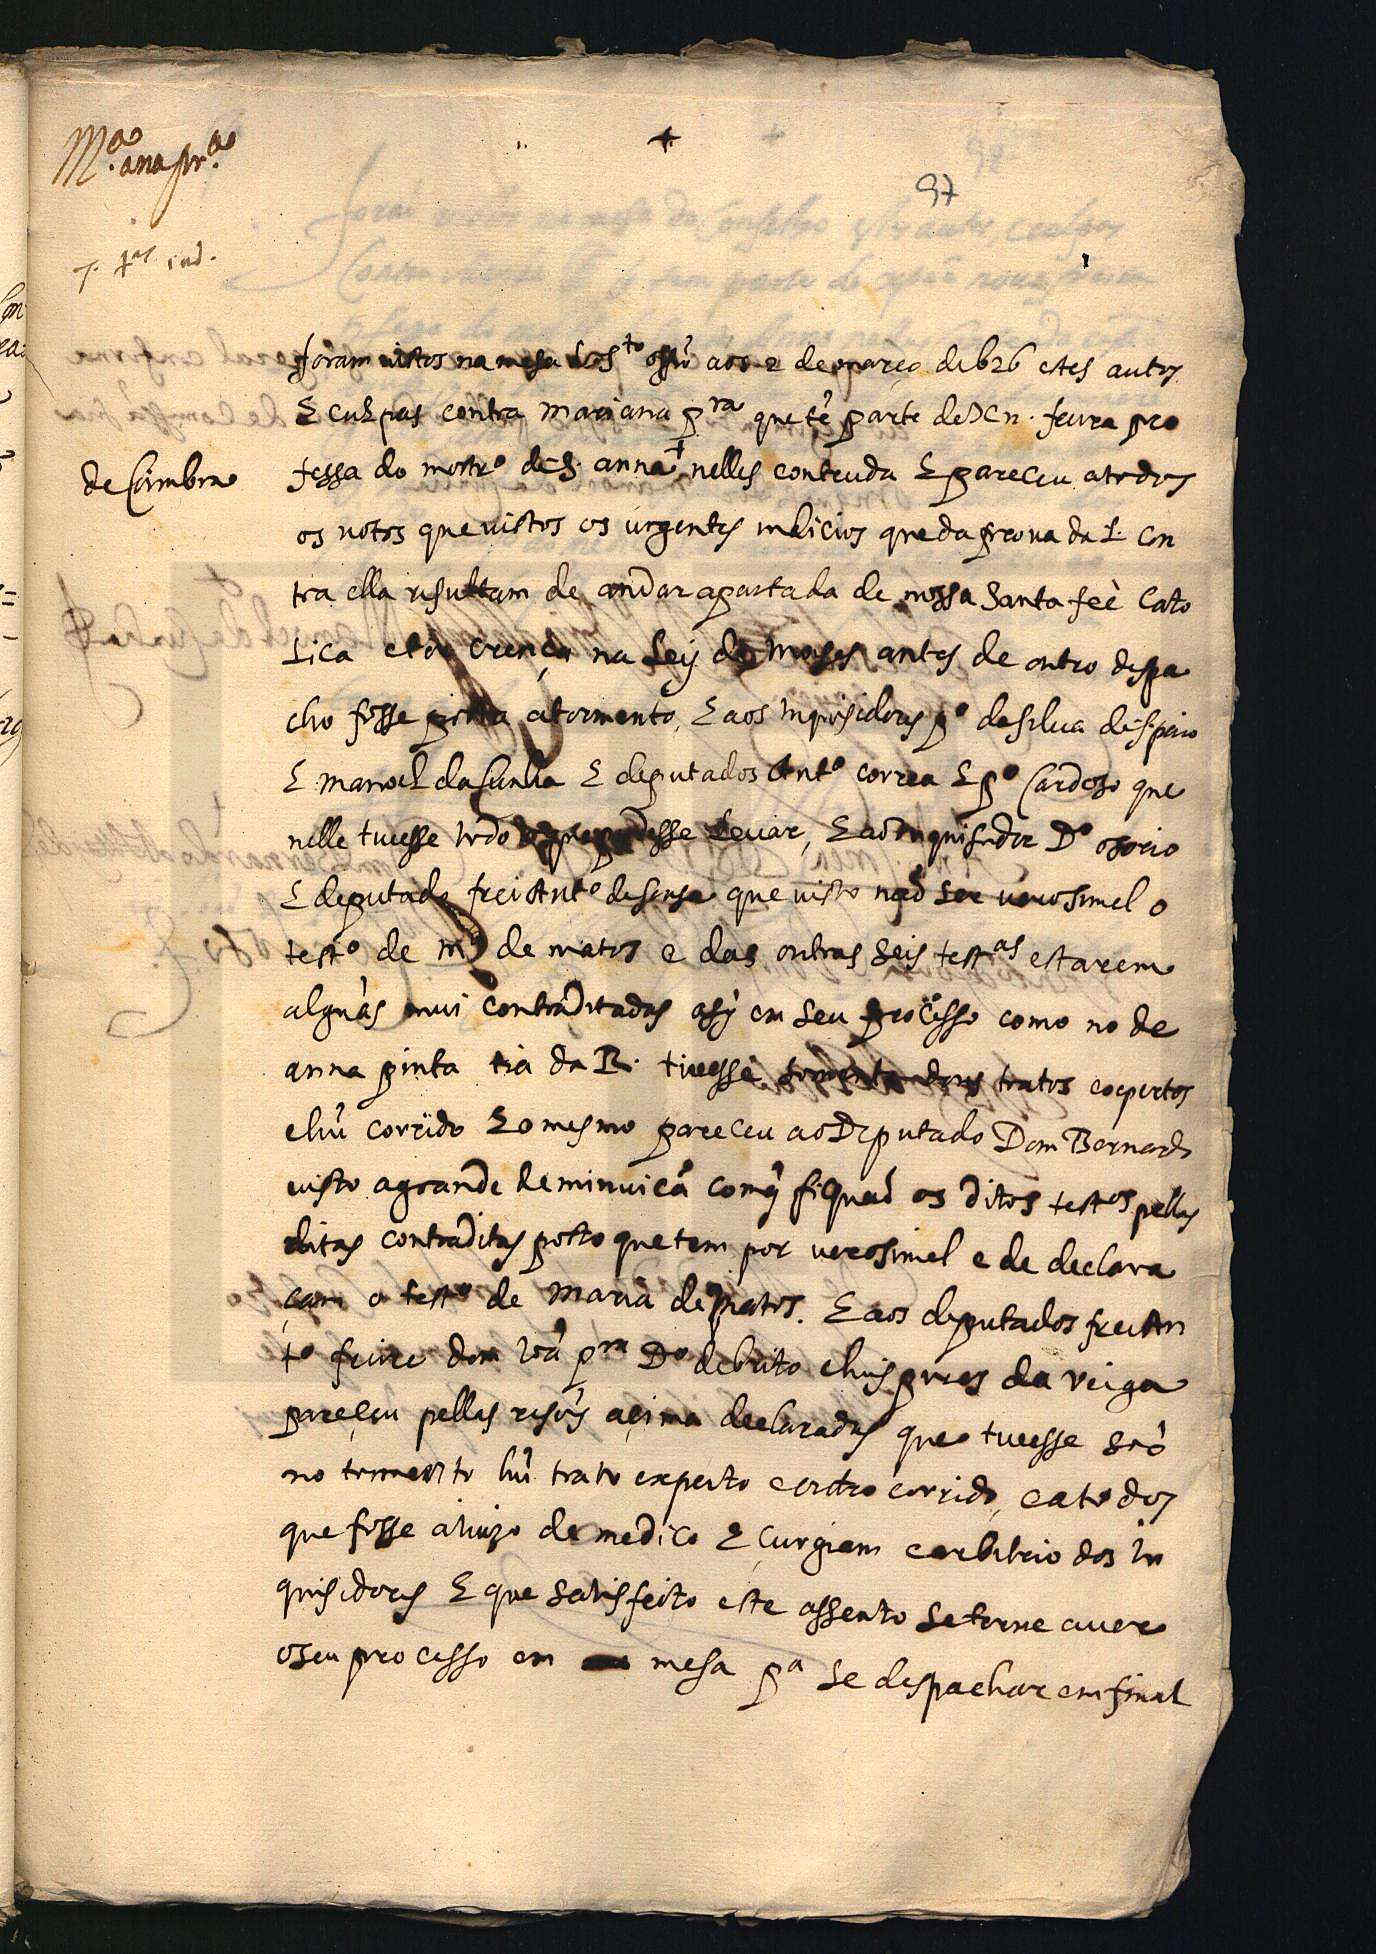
M.a ana pr.a
7. tas iud.
de Coimbra
foram uistos na mesa do sto offo aos 2 de março de 626 estes autos
E culpas contra mariana pra que tē parte de xn. freira pro
fessa do mostro de s. anna + nelles conteuda E pareceu a todos
os uotos que uistos os urgentes indicios que da proua da I. con
tra ella resultam de andar apartada de nossa Santa feè cato
lica e ter crenca na Ley de moises antes de outro despa
cho fosse posta a tormento, E aos Inquisidores po da silua de s. paio
E manoel da Cunha E deputados Anto correa E po Cardoso que
nelle tiuesse todo o que pudesse Leuar, E ao inquisidor Do osorio
E deputado frei Anto de sousa que uisto naõ ser uerosimel o
testo de ma de matos e das outras seis testas estarem
alguās mui contraditadas asy em seu processo como no de
anna pinta tia da R. tiuesse somente dous tratos expertos
e hū corrido E o mesmo pareceu ao Deputado Dom Bernardo
uisto a grande deminuicā com q̄ fiquaõ os ditos testos pellas
ditas contraditas posto que tem por uerosimel, e de declara
çam o testo de maria de matos. E aos deputados frei An
to freire dom Ioā pra Do de brito e luis pires da Veiga
pareceu pellas resoĩs açima declaradas que tiuesse soo
no tormento hū trato experto, e outro corrido, e a todos
que fosse a Iuizo de medico E curgiam e arbitrio dos In
quisidores E que satisfeito este assento se torne a uer
o seu processo em _ mesa pa se despachar em final
